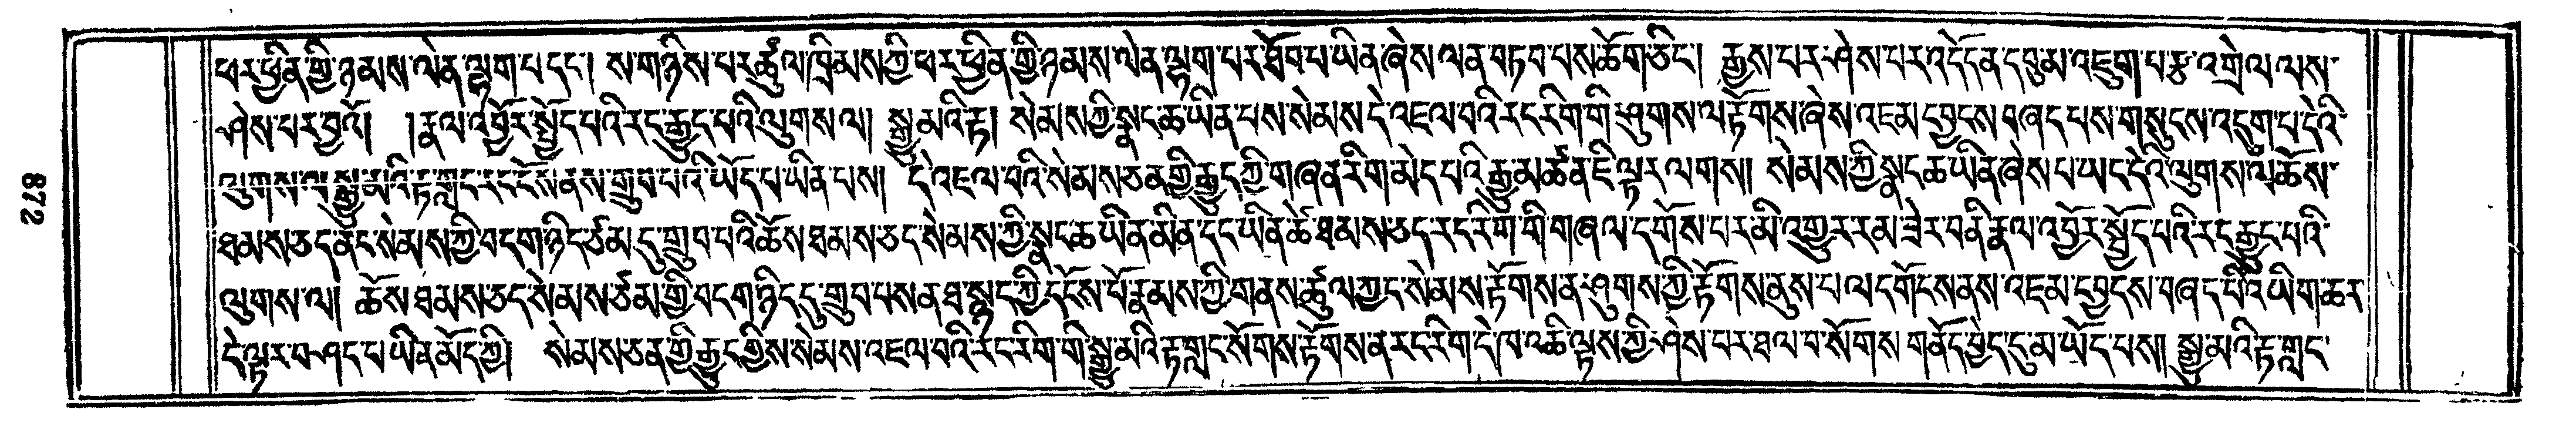ཕར་ཕྱིན་གྱི་ཉམས་ལེན་ལྷག་པ་དང་། ས་གཉིས་པར་ཚུལ་ཁྲིམས་ཀྱི་ཕར་ཕྱིན་གྱི་ཉམས་ལེན་ལྷག་པར་ཐོབ་པ་ཡིན་ཞེས་ལན་བཏབ་པས་ཆོག་ཅིང་། རྒྱས་པར་ཤེས་པར་འདོད་ན་དབུ་མ་འཇུག་པ་རྩ་འགྲེལ་ལས་
ཤེས་པར་བྱའོ། །རྣལ་འབྱོར་སྤྱོད་པའི་རང་རྒྱུད་པའི་ལུགས་ལ། སྒྱུ་མའི་རྟ། སེམས་ཀྱི་སྣང་ཆ་ཡིན་པས་སེམས་དེ་འཇལ་བའི་རང་རིག་གི་ཤུགས་ལ་རྟོགས་ཞེས་འཇམ་དབྱངས་བཞད་པས་གསུངས་འདུག་པ་དེའི་
ལུགས་ལ་སྒྱུ་མའི་རྟ་གླང་རང་ངོས་ནས་གྲུབ་པའི་ཡོད་པ་ཡིན་པས། དེ་འཇལ་བའི་སེམས་ཅན་གྱི་རྒྱུད་ཀྱི་གཞན་རིག་མེད་པའི་རྒྱུ་མཚན་ཇི་ལྟར་ལགས། སེམས་ཀྱི་སྣང་ཆ་ཡིན་ཞེས་པ་ཡང་དེའི་ལུགས་ལ་ཆོས་
ཐམས་ཅད་ནང་སེམས་ཀྱི་བདག་ཉིད་ཙམ་དུ་གྲུབ་པའི་ཆོས་ཐམས་ཅད་སེམས་ཀྱི་སྣང་ཆ་ཡིན་མིན་དང་ཡིན་ཚེ་ཐམས་ཅད་རང་རིག་གི་གཞལ་དགོས་པར་མི་འགྱུར་རམ་ཟེར་བ་ནི་རྣལ་འབྱོར་སྤྱོད་པའི་རང་རྒྱུད་པའི་
ལུགས་ལ། ཆོས་ཐམས་ཅད་སེམས་ཙམ་གྱི་བདག་ཉིད་དུ་གྲུབ་པས་ན་ཐ་སྙད་ཀྱི་དངོས་པོ་རྣམས་ཀྱི་གནས་ཚུལ་ཀྱང་སེམས་རྟོགས་ན་ཤུགས་ཀྱི་རྟོགས་ནུས་པ་ལ་དགོངས་ནས་འཇམ་དབྱངས་བཞད་པའི་ཡིག་ཆར་
དེ་ལྟར་བཤད་པ་ཡིན་མོད་ཀྱི། སེམས་ཅན་གྱི་རྒྱུད་གྱིས་སེམས་འཇལ་བའི་རང་རིག་གི་སྒྱུ་མའི་རྟ་གླང་སོགས་རྟོགས་ན་རང་རིག་དེ་ཁ་འཆི་ལྟས་ཀྱི་ཤེས་པར་ཐལ་བ་སོགས་གནོད་བྱེད་དུ་མ་ཡོད་པས། སྒྱུ་མའི་རྟ་གླང་